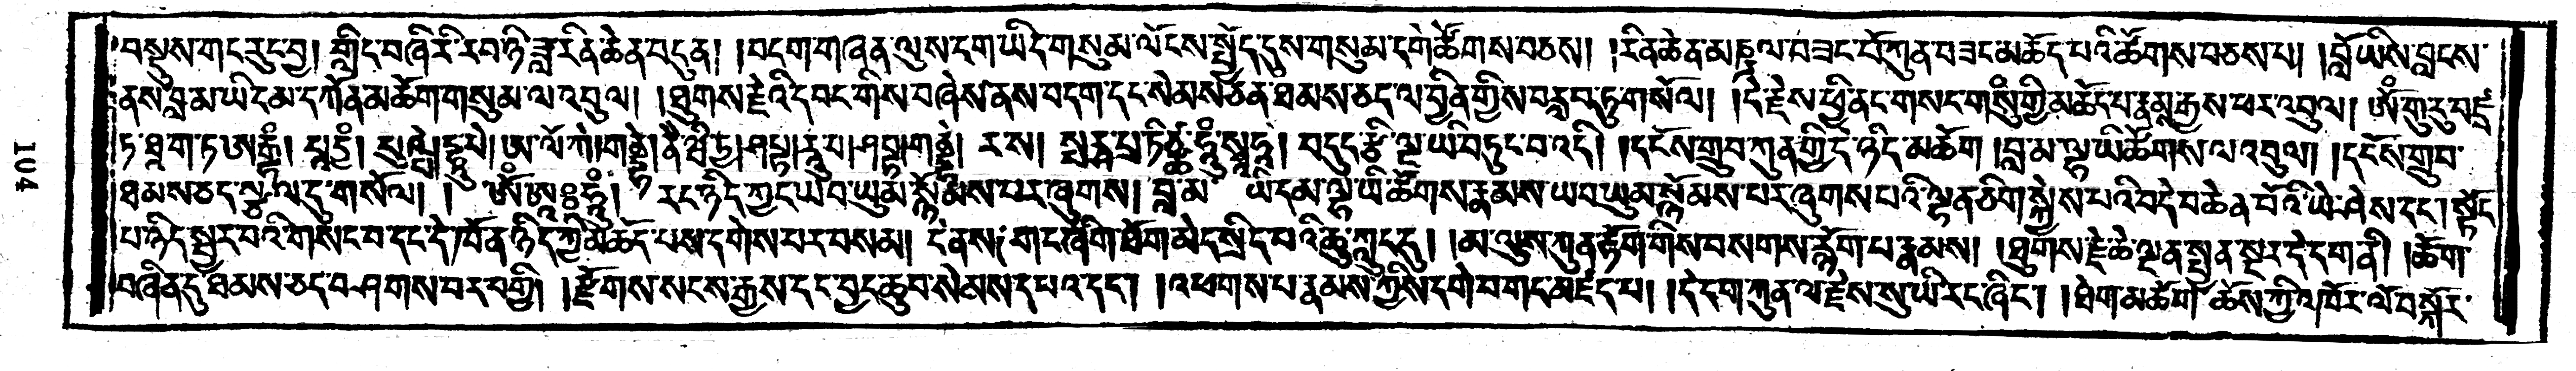བསྡུས་གང་རུང་བྱ། གླིང་བཞི་རི་རབ་ཉི་ཟླ་རིན་ཆེན་བདུན། །བདག་གཞན་ལུས་ངག་ཡིད་གསུམ་ལོངས་སྤྱོད་དུས་གསུམ་དགེ་ཚོགས་བཅས། །རིན་ཆེན་མཎྜལ་བཟང་པོ་ཀུན་བཟང་མཆོད་པའི་ཚོགས་བཅས་པ། །བློ་ཡིས་བླངས་
ནས་བླ་མ་ཡི་དམ་དཀོན་མཆོག་གསུམ་ལ་འབུལ། །ཐུགས་རྗེའི་དབང་གིས་བཞེས་ནས་བདག་དང་སེམས་ཅན་ཐམས་ཅད་ལ་བྱིན་གྱིས་བརླབ་ཏུ་གསོལ། །དེ་རྗེས་ཕྱི་ནང་གསང་གསུཾ་གྱི་མཆོད་པ་རྣམས་རྒྱས་ཕར་འབུལ། ཨོཾ་གུ་རུ་བཛྲ་
ཏ་ཐཱ་ག་ཏ་ཨརྒྷཾ། པཱདྱཾ། པུཥྤེ། དྷཱུ་པེ། ཨ་ལོ་ཀེ། གནྡྷེ། ནཻ་ཝི་ཏྱ། ཤཔྟ། རཱུ་པ། ཤཔྟ། གནྡྷེ། ར་ས། སྤརྴ་པྲ་ཏིཙྪ་ཧཱུཾ་སྭཱཧཱ། བདུད་རྩི་ལྔ་ཡི་བཏུང་བ་འདི། །དངོས་གྲུབ་ཀུན་གྱི་དེ་ཉིད་མཆོག །བླ་མ་ལྷ་ཡི་ཚོགས་ལ་འབུལ། །དངོས་གྲུབ་
ཐམས་ཅད་སྩལ་དུ་གསོལ། །ཨོཾ་ཨཱཿ ཧཱུཾ། རང་ཉིད་ཀྱང་ཡབ་ཡུམ་སྙོམས་པར་ཞུགས། བླ་མ་ཡི་དམ་ལྷ་ཡི་ཚོགས་རྣམས་ཡབ་ཡུམ་སྙོམས་པར་ཞུགས་པའི་ལྷན་ཅིག་སྐྱེས་པའི་བདེ་བ་ཆེན་པོའི་ཡེ་ཤེས་དང་། སྟོང་
པ་ཉིད་སྦྱར་བའི་གསང་བ་དང་དེ་ཁོ་ན་ཉིད་ཀྱི་མཆོད་པས་དགེས་པར་བསམ། དེ་ནས༑ གང་ཞིག་ཐོག་མེད་སྲིད་པའི་ཆུ་ཀླུང་དུ། །མ་ལུས་ཀུན་རྟོག་གིས་བསགས་རྙོག་པ་རྣམས། །ཐུགས་རྗེ་ཆེ་ལྡན་སྤྱན་སྔར་དེ་དག་ནི། །ཆོ་ག་
བཞིན་དུ་ཐམས་ཅད་བཤགས་བར་བགྱི། །རྫོགས་སངས་རྒྱས་དང་བྱང་ཆུབ་སེམས་དཔའ་དང་། །འཕགས་པ་རྣམས་ཀྱིས་དགེ་བ་གང་མཛད་པ། །དེ་དག་ཀུན་ལ་རྗེས་སུ་ཡི་རང་ཞིང་། །ཐེག་མཆོག་ཆོས་ཀྱི་འཁོར་ལོ་བསྐོར་